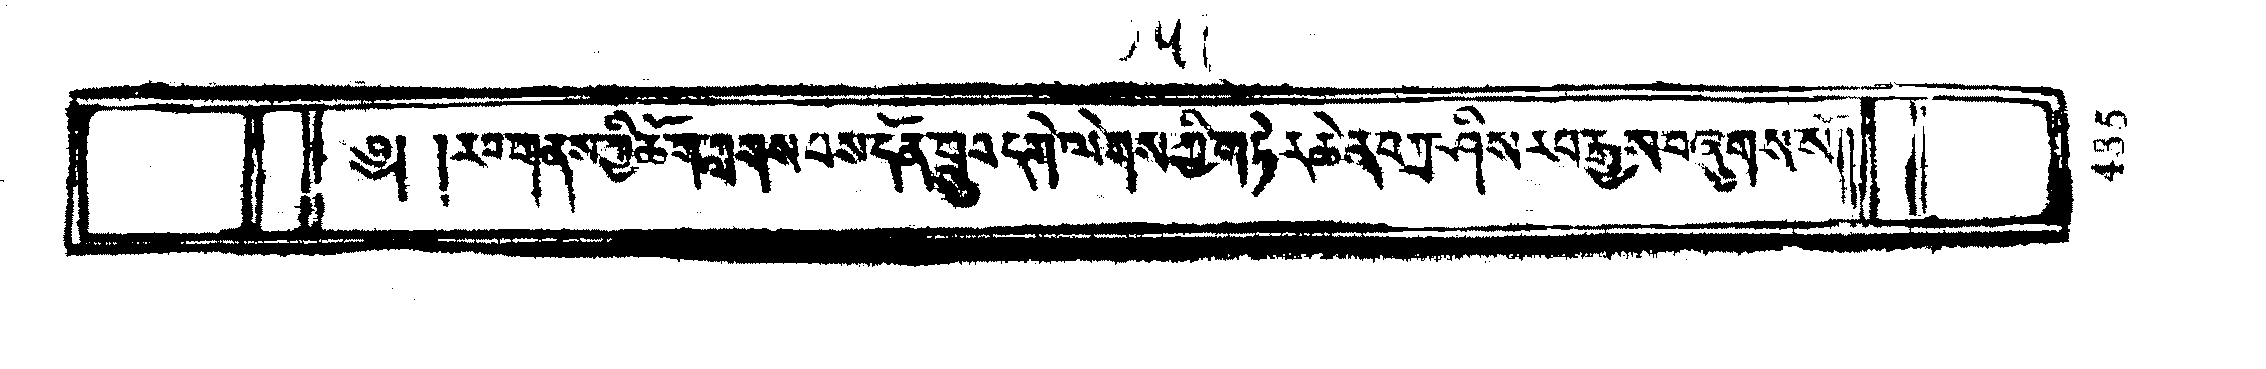༄༅། །རབ་གནས་ཀྱི་ཆོ་ག་ཀླགས་པས་དོན་གྲུབ་དགེ་ལེགས་ཀྱི་གཏེར་ཆེན་བཀྲ་ཤིས་རབ་རྒྱས་བཞུགས་སོ། །